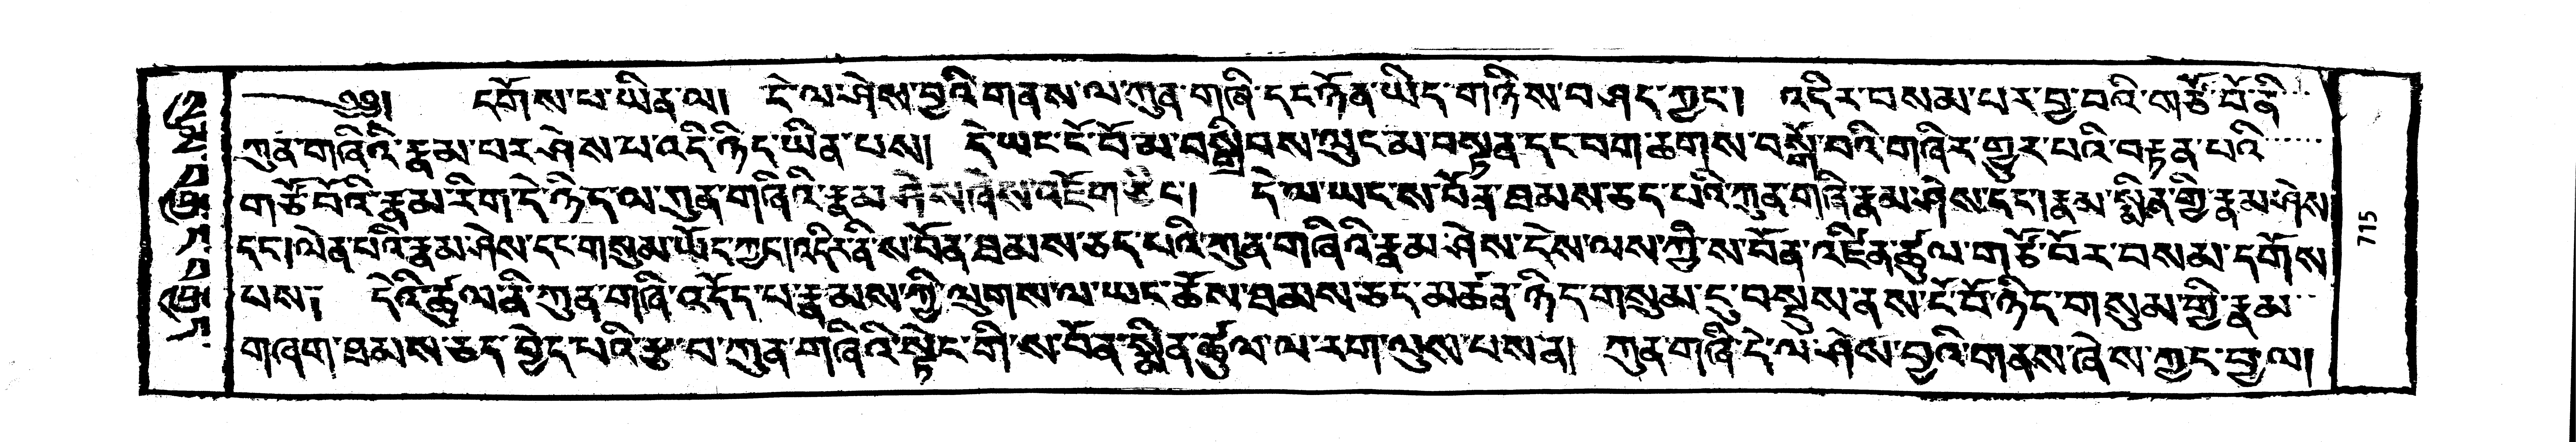༄༅། །དགོས་པ་ཡིན་ལ། དེ་ལ་ཤེས་བྱའི་གནས་ལ་ཀུན་གཞི་དང་ཉོན་ཡིད་གཉིས་བཤད་ཀྱང་། འདིར་བསམ་པར་བྱ་བའི་གཙོ་བོ་ནི་
ཀུན་གཞིའི་རྣམ་པར་ཤེས་པ་འདི་ཉིད་ཡིན་པས། དེ་ཡང་ངོ་བོ་མ་བསྒྲིབས་ལུང་མ་བསྟན་དང་བག་ཆགས་བསྒོ་བའི་གཞིར་གྱུར་བའི་བརྟན་པའི་
གཙོ་བོའི་རྣམ་རིག་དེ་ཉིད་ལ་ཀུན་གཞིའི་རྣམ་ཤེས་ཞེས་འཇོག་ཅིང་། དེ་ལ་ཡང་ས་བོན་ཐམས་ཅད་པའི་ཀུན་གཞི་རྣམ་ཤེས་དང་། རྣམ་སྨིན་གྱི་རྣམ་ཤེས་
དང་། ལེན་པའི་རྣམ་ཤེས་དང་གསུམ་ཡོད་ཀྱང་། འདིར་ནི་ས་བོན་ཐམས་ཅད་པའི་ཀུན་གཞིའི་རྣམ་ཤེས་དེས་ལས་ཀྱི་ས་བོན་འཛིན་ཚུལ་གཙོ་བོར་བསམ་དགོས་
པས༑ དེའི་ཚུལ་ནི་ཀུན་གཞི་འདོད་པ་རྣམས་ཀྱི་ལུགས་ལ་ཡང་ཆོས་ཐམས་ཅད་མཚན་ཉིད་གསུམ་དུ་བསྡུས་ནས་ངོ་བོ་ཉིད་གསུམ་གྱི་རྣམ་
གཞག་ཐམས་ཅད་བྱེད་པའི་རྩ་བ་ཀུན་གཞིའི་སྟེང་གི་ས་བོན་སྨིན་ཚུལ་ལ་རག་ལུས་པས་ན། ཀུན་གཞི་དེ་ལ་ཤེས་བྱའི་གནས་ཞེས་ཀྱང་བྱ་ལ།